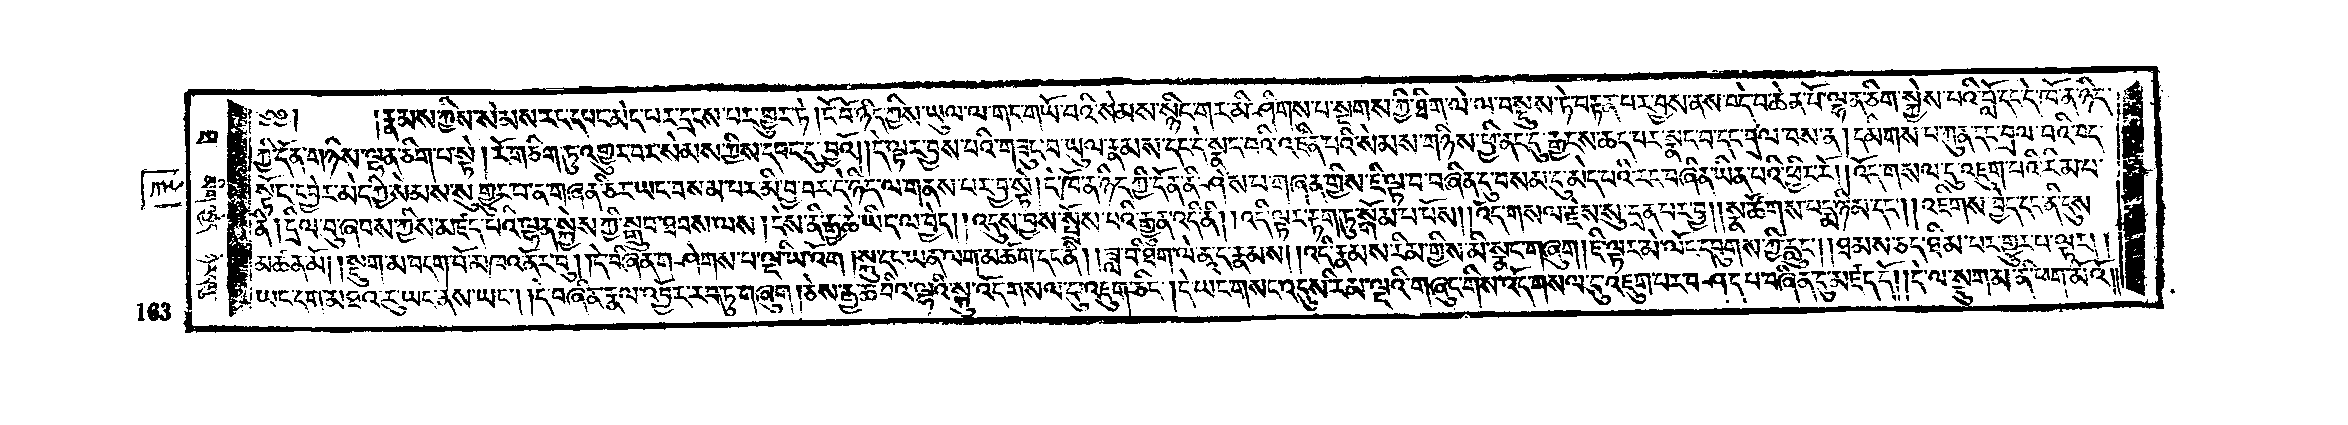༄༅། །རྣམས་ཀྱིས་སེམས་རང་དབང་མེད་པར་དྲངས་པར་གྱུར་ཏེ། ངོ་བོ་ཉིད་ཀྱིས་ཡུལ་ལ་གང་གཡོ་བའི་སེམས་སྙིང་གར་མི་ཤིགས་པ་སྔགས་ཀྱི་ཐིག་ལེ་ལ་བསྡུས་ཏེ་བརྟན་པར་བྱས་ནས་བདེ་བ་ཆེན་པོ་ལྷན་ཅིག་སྐྱེས་པའི་བློ་དང་དེ་ཁོ་ན་ཉིད་
ཀྱི་དོན་གཉིས་ལྷན་ཅིག་པ་སྟེ། རོ་གཅིག་ཏུ་འགྱུར་བར་སེམས་ཀྱིས་དབང་དུ་བྱའོ། །དེ་ལྟར་བྱས་པའི་གཟུང་བ་ཡུལ་རྣམས་དང་དེ་སྣང་བའི་འཛིན་པའི་སེམས་གཉིས་ཕྱི་ནང་དུ་རྒྱངས་ཆད་པར་སྣང་བ་དང་བྲལ་བས་ན། དམིགས་པ་ཀུན་དང་བྲལ་བའི་བདེ་
སྟོང་དབྱེར་མེད་ཀྱི་སེམས་སུ་གྱུར་པ་ན་གཞན་ཅིར་ཡང་བསམ་པར་མི་བྱ་བར་དེ་ཉིད་ལ་གནས་པར་བྱ་སྟེ། དེ་ཁོ་ན་ཉིད་ཀྱི་དོན་ནི་ཤེས་པ་གཞན་གྱིས་ཇི་ལྟ་བ་བཞིན་དུ་བསམ་དུ་མེད་པའི་རང་བཞིན་ཡིན་པའི་ཕྱིར་རོ། །འོད་གསལ་དུ་འཇུག་པའི་རིམ་པ་
ནི། དྲིལ་བུ་ཞབས་ཀྱིས་མཛད་པའི་ལྷན་སྐྱེས་ཀྱི་སྒྲུབ་ཐབས་ལས། དེས་ནི་རྒྱ་ཆེ་ཡིད་ལ་བྱེད། །འདུས་བྱས་སྤྲོས་པའི་རྒྱུན་འདི་ནི། །འདི་ལྟར་རྟག་ཏུ་སྒོམ་པ་པོས། །འོད་གསལ་རྗེས་སུ་དྲན་པར་བྱ། །སྣ་ཚོགས་པདམ་ཉི་མ་དང་། །འཇིགས་བྱེད་དང་ནི་དུས་
མཚན་མོ། །སྡུག་མ་བདག་པོ་མཁའ་ནོར་བུ། །དེ་བཞིན་གཤེགས་པ་ལྔ་ཡི་འོག །སྐུ་དང་ཡན་ལག་མཆོག་དང་ནི། །ཟླ་བ་ཐིག་ལེ་ནཱ་ད་རྣམས། །འདི་རྣམས་རིམ་གྱིས་མི་སྣང་གཞུག །ཇི་ལྟར་མེ་ལོང་དབུགས་ཀྱི་རླུང་། །ཐམས་ཅད་ཐིམ་པར་གྱུར་པ་ལྟར། །
ཡང་དག་མཐའ་རུ་ཡང་ནས་ཡང་། །དེ་བཞིན་རྣལ་འབྱོར་རབ་ཏུ་གཞུག །ཅེས་རྒྱ་ཆེ་བའི་ལྷའི་སྐུ་འོད་གསལ་དུ་འཇུག་ཅིང་། དེ་ཡང་གསང་འདུས་རིམ་ལྔའི་གཞུང་གིས་འོད་གསལ་དུ་འཇུག་པར་བཤད་པ་བཞིན་དུ་མཛད་དོ། །དེ་ལ་སྡུག་མ་ནི་ཕག་མོའོ། །